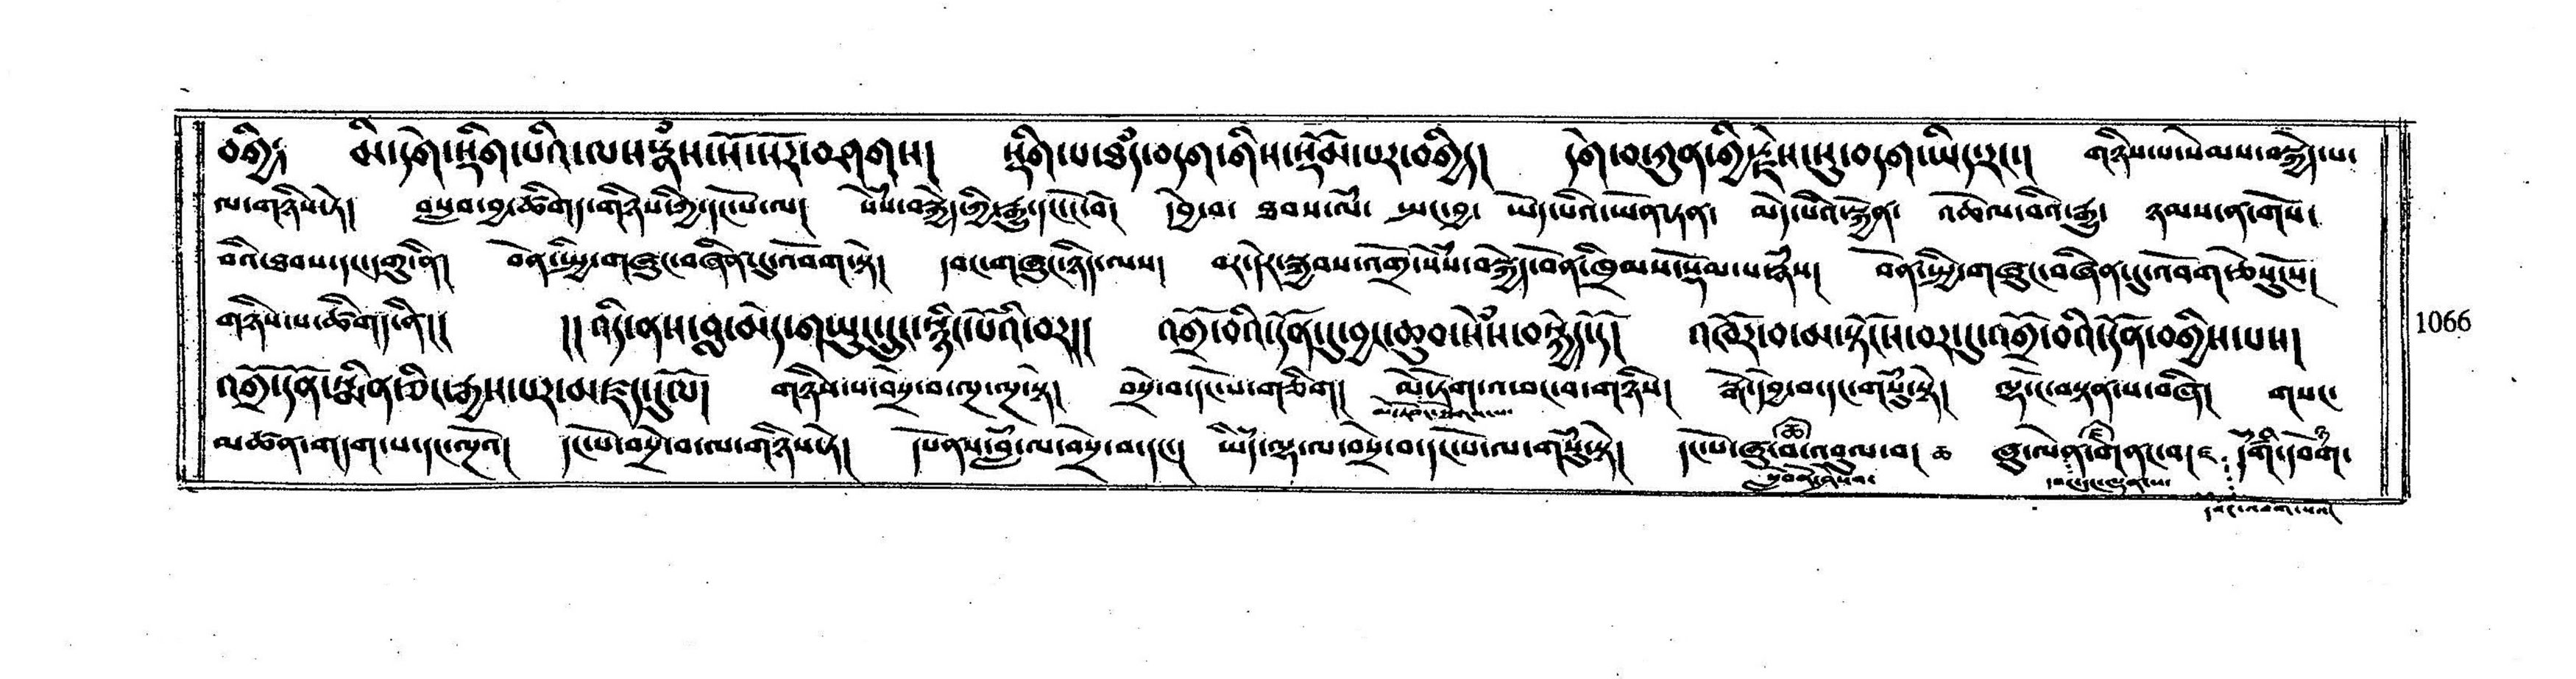བགྱི། མི་དགེ་སྡིག་པའི་ལས་རྣམས་སོ་སོར་བཤགས། སྡིག་པ་ཐམས་ཅད་བདག་གིས་སྡོམ་པར་བགྱིད། དགེ་བ་ཀུན་གྱི་རྗེས་སུ་བདག་ཡིད་རང་། གཉིས་པ་སེམས་བསྐྱེད་པ་
ལ་གཉིས་ཏེ། བསླབ་བྱ་ཚིག་བཤད་གཉིས་ཀྱི་དང་པོ་ལ། སེམས་བསྐྱེད་ཀྱི་རྒྱུ་དང་ངོ་བོ། དབྱེ་བ་ཐབས་ལམ་སྤང་བྱ་ཡོད་པའི་ཡོན་ཏན་མེད་པའི་སྐྱོན་འཆོལ་བའི་རྒྱུ་ཉམས་ན་གསོ་
བའི་ཐབས་དང་དགུ་ནི། བོན་སྤྱི་གཞུང་བཞིན་དུ་འབོག་སྟེ། དབང་གཞུང་ཉིད་ལས། བར་དེར་སྐྱབས་འགྲོ་སེམས་བསྐྱེད་བོན་ཁྲིམས་སྡོམ་པ་རྣམས། བོན་སྤྱི་གཞུང་བཞིན་དུ་འབོག་ཅེས་སུ་གསུངས་སོ། 
གཉིས་པ་ཚིག་བཤད་ནི།། །།འདི་ནས་བླ་མེད་གཡུང་དྲུང་སྙིང་པོའི་བར།། འགྲོ་བའི་དོན་དུ་བྱང་ཆུབ་སེམས་བསྐྱེད་དོ། འཁོར་བ་མ་སྟོངས་བར་དུ་འགྲོ་བའི་དོན་བགྱིས་པས། 
འགྲོ་དོན་སྨིན་ཅིང་རྒྱས་པར་མཛད་དུ་གསོལ། གཉིས་པ་བསྲེ་བ་ལྔ་ལྔ་སྟེ། བསྲེ་བ་དང་པོ་གཅིག མེ་ཏོག་མེ་ཏོག་ཐོགས་པ་འཕང་བ་གཉིས། སྒོ་དབྱེ་བ་དང་གསུམ་སྟེ། ལྷ་ངོ་བསྟན་པ་བཞི། གསང་
མཚན་གདག་པ་དང་ལྔའོ། དང་པོ་བསྲེ་བ་ལ་གཉིས་ཏེ། དཔོན་གསས་བླ་མ་ལ་བསྲེ་བ་དང་། ཡི་དམ་ལྷ་ལ་བསྲེ་བ་དང་པོ་ལ་གསུམ་སྟེ། དང་པོ་༼ཆ༽ཞུ་བ་འབུལ་བ།སློབ་དཔོན་ཤེས་རབ་ཆ ༼ཇ༽ཞུ་ལེན་དབང་དང་ལྡན་པ་གནང་བ། ཇ དབང་འབོག་པའོ། ༼ཉ༽དམ་ཚིག་དབོག་